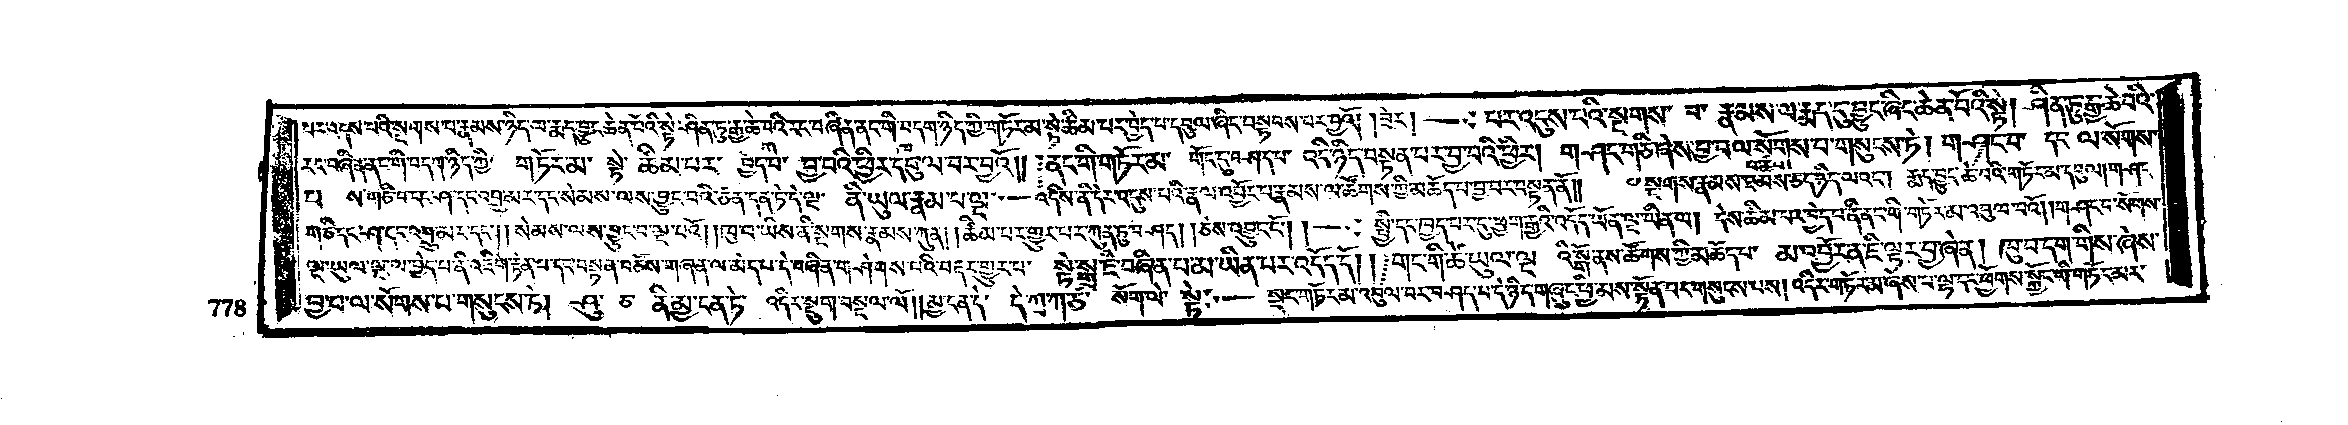པར་འདས་པའི་སྔགས་པ་རྣམས་ཉིད་ལ་རྨད་བྱུང་ཆེན་པོའི་སྟེ་ཤིན་ཏུ་རྒྱ་ཆེ་བའི་རང་བཞིན་ནང་གི་བདག་ཉིད་ཀྱི་གཏོར་མ་སྟེ་ཚིམ་པར་བྱེད་པ་དབུལ་ཞིང་བསྟབས་པར་བྱའོ། །ཟེར།.H པར་འདུས་པའི་སྔགས་པ་རྣམས་ལ་རྨད་དུ་བྱུང་ཞིང་ཆེན་པོའི་སྟེ། ཤིན་ཏུ་རྒྱ་ཆེ་བའི་
རང་བཞིན་ནང་གི་བདག་ཉིད་ཀྱི་གཏོར་མ་སྟེ་རིམ་པར་བྱེད་པ་བྱ་བའི་ཕྱིར་ཁ་དབུལ་བར་བྱའོ། །ནང་གི་གཏོར་མ་གོང་དུ་བཤད་པ་འདི་ཉིད་བསྟན་པར་བྱ་བའི་ཕྱིར། གཤད་གཅི་ཞེས་བྱ་བ་ལ་སོགས་པ་གསུངས་ཏེ། གཤང་བ་དང་ལ་སོགས་
པས་གཙོ་བ་དང་ཤ་དང་འབྲུ་མར་དང་སེམས་ལས་བྱུང་བའི་ཙན་དན་ཏེ་དེ་ལྔ་ནི་ཡུལ་རྣམ་པ་ལྔཿ་འདིས་ནི་དེར་འདུས་པའི་རྣལ་འབྱོར་པ་རྣམས་ལ་ཚོགས་ཀྱི་མཆོད་པ་བྱ་བར་བསྟན་ནོ།། ༧་སྔགས་རྣམས་པ་ཚབ་ཐམས་ཅད་ཉིད་ལའང་། རྨད་བྱུང་ཚེ་བའི་གཏོར་མ་དབུལ། གཤང་
གཅི་དང་ཤ་དང་འབྲུ་མར་དང་། །སེམས་ལས་བྱུང་བ་ལྔ་པའོ། །ཁུ་བ་ཡིས་ནི་སྔགས་རྣམས་ཀུན། །ཚིམ་པར་གྱུར་པར་ཀུན་ཏུ་བཤད། །ཅེས་འབྱུང་ངོ། ། .H སྤྱི་དང་ཁྱད་པར་དུ་ཕྱག་རྒྱའི་འདོད་ཡོན་ལྔ་ཡིན་ལ། དེས་ཚིམ་པར་བྱེད་པ་ནི་ནང་གི་གཏོར་མ་འབུལ་བའོ། །གཤང་བ་སོགས་
ལྔ་ཡུལ་ལྔ་ལ་བྱེད་པ་ནི་འཇིག་རྟེན་པ་དང་བསྟན་བཅོས་གཞན་ལ་མེད་པ་དེ་བཞིན་གཤེགས་པའི་བརྡར་གྱུར་པ་སྟེ་སྒྲ་ཇི་བཞིན་པ་མ་ཡིན་པར་འདོད་དོ། །གང་གི་ཚེ་ཡུལ་ལྔའི་སྒོ་ནས་ཚོགས་ཀྱི་མཆོད་པ་མ་འབྱོར་ན་ཇི་ལྟར་བྱ་ཞེ་ན། ཁུ་བ་དག་གིས་ཞེས་
བྱ་བ་ལ་སོགས་པ་གསུངས་ཏེ། ཤུ་ཅ་ནི་མྱ་ངན་ཏེ་འདིར་སྡུག་བསྔལ་ལོ། །མྱ་ངན་དེ་དེ་ཀྲ་ཀ་ཙ་སོག་ལེ་སྟེཿ་སྔར་གཏོར་མ་འབུལ་བར་བཤད་པ་དེ་ཉིད་གཞུང་ཕྱི་མས་སྟོང་པར་གསུངས་པས། འདིར་གཏོར་མ་ཞེས་པ་ལྷ་དང་ཕྱོགས་སྐྱོང་གི་གཏོར་མར་